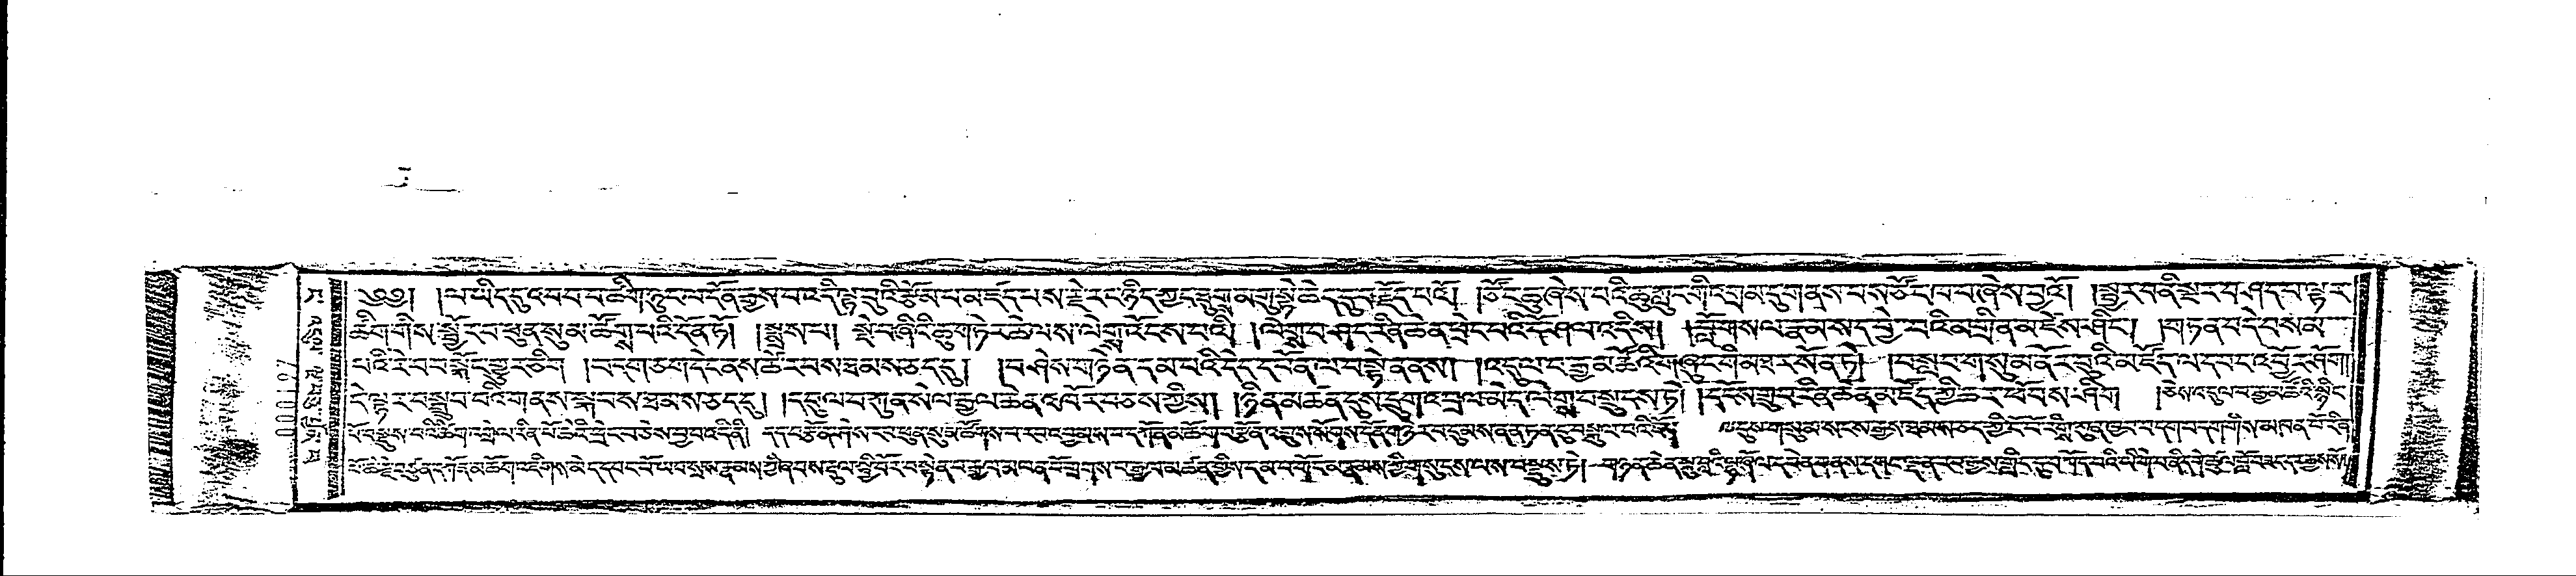༄༅། །ལ་ཡིད་དུ་འབབ་བ་ཚིག་ཉུང་ལ་དོན་རྒྱས་པ་འདི་ལྟ་བུའི་ཙོམ་པ་མཛད་པས་རྗེ་རང་ཉིད་ཀྱང་ཐུགས་མགུ་སྟེ་ཆེད་དུ་བརྗོད་པའོ། །ཙོང་ཆུ་ཞེས་པའི་ཆུ་ཀླུང་གི་འགྲམ་དུ་གནས་པས་ཙོང་ཁ་བ་ཞེས་བྱའོ། །སྦྱར་བ་ནི་སྔར་བཤད་པ་ལྟར་
ཚིག་གིས་སྦྱོར་བ་ཕུན་སུམ་ཚོགས་པའི་དོན་ཏོ། །སྨྲས་པ། སྡེ་བཞིའི་ཆུ་གཏེར་ཆེ་ལས་ལེགས་འོངས་པའི། །ལེགས་བཤད་རིན་ཆེན་ཕྲེང་བའི་དོ་ཤལ་འདིས། །བློ་གསལ་རྣམས་དབྱེ་བའི་མགྲིན་མཛེས་ཤིང་། །གཏན་བདེ་བསམ་
པའི་རེ་བ་བསྐོང་གྱུར་ཅིག །བདག་ཅག་དེང་ནས་ཚེ་རབས་ཐམས་ཅད་དུ། །བཤེས་གཉེན་དམ་པའི་དེད་དཔོན་ལ་བསྟེན་ནས། །འདུལ་བ་རྒྱ་མཚོའི་གཞུང་གི་མཐར་སོན་ཏེ། །བསླབ་གསུམ་ནོར་བུའི་མཛོད་ལ་དབང་འབྱོར་ཤོག།
དེ་ལྟར་བསྒྲུབ་པའི་གནས་སྐབས་ཐམས་ཅད་དུ། །དབུལ་བ་ཀུན་སེལ་རྒྱལ་ཆེན་འཁོར་བཅས་ཀྱིས། །ཉིན་མཚན་དུས་དྲུག་འབྲལ་མེད་ལེགས་བསྲུངས་ཏེ། །དངོས་གྲུབ་རིན་ཆེན་མཛོད་ཀྱི་ཆར་ཕོབས་ཤིག །ཅེས་འདུལ་བ་རྒྱ་མཚོའི་སྙིང་
པོ་བསྡུས་པའི་ཚིག་འགྲེལ་རིན་པོ་ཆེའི་ཕྲེང་བ་ཅེས་བྱ་བ་འདི་ནི། དད་བརྩོན་ཤེས་རབ་ཕུན་སུམ་ཚོགས་པ་རབ་འབྱམས་པ་དཀོན་མཆོག་བརྩོན་འགྲུས་སོགས་དོན་གཉེར་བ་དུ་མས་ནན་ཏན་དུ་བསྐུལ་བའི་ངོར། ༧་དུས་གསུམ་སངས་རྒྱས་ཐམས་ཅད་ཀྱི་ངོ་བོ་རིགས་ཀུན་ཁྱབ་བདག་བདག་གིས་མཁན་པོ་རིན་
པོ་ཆེ་རྗེ་བཙུན་དཀོན་མཆོག་འཇིགས་མེད་དབང་པོ་ཡབ་སྲས་རྣམས་ཀྱི་ཞབས་རྡུལ་སྤྱི་བོར་བསྟེན་པ་རྒྱལ་མཁན་པོ་གྲགས་པ་རྒྱལ་མཚན་གྱིས་དམ་པ་གོང་མ་རྣམས་ཀྱི་གསུངས་ལས་བསྡུས་ཏེ། གཉན་ཆེན་སྐུ་བླའི་ལྷ་ཞོལ་དབེན་གནས་དགུང་ལྡན་རབ་རྒྱས་གླིང་དུ་བཀོད་པའི་ཡི་གེ་པ་ནི་དགེ་ཚུལ་བློ་བཟང་དར་རྒྱས་སོ།།